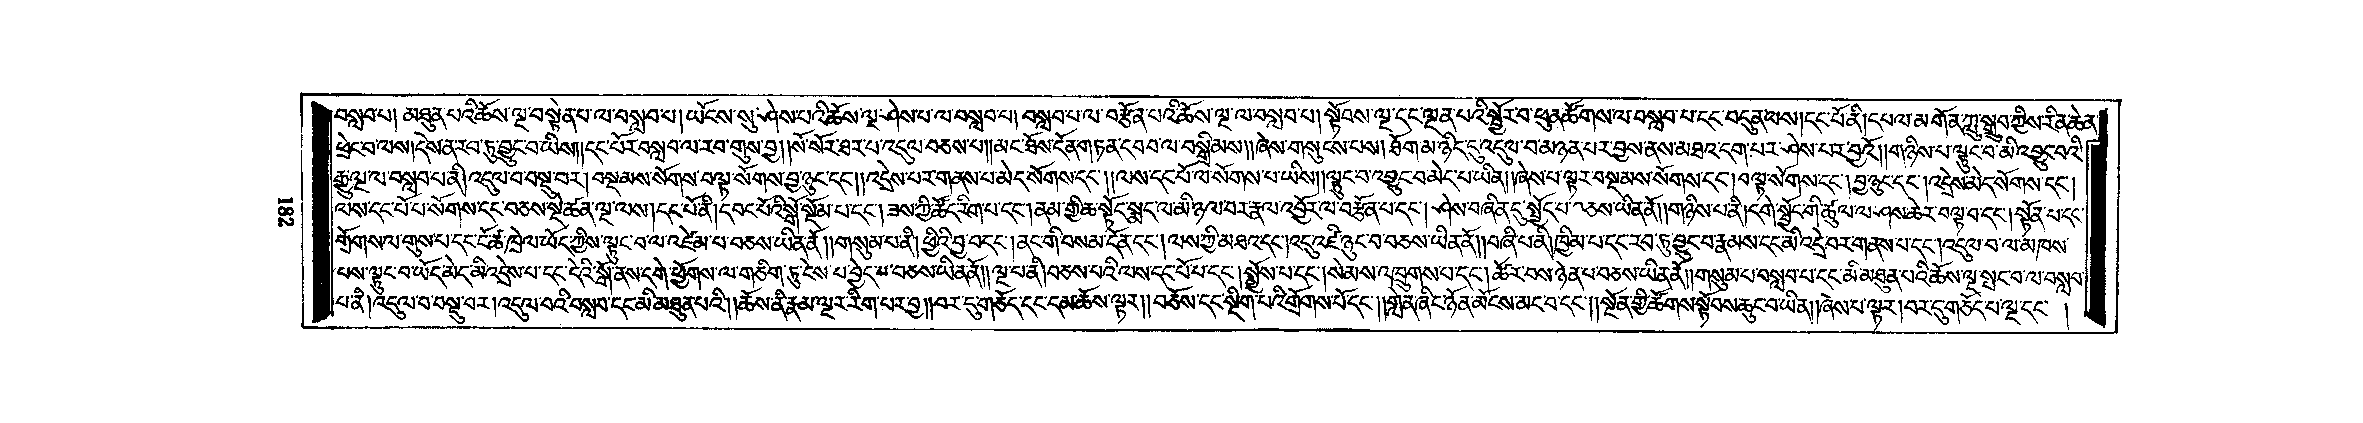བསླབ་པ། མཐུན་པའི་ཆོས་ལྔ་བསྟེན་པ་ལ་བསླབ་པ། ཡོངས་སུ་ཤེས་པའི་ཆོས་ལྔ་ཤེས་པ་ལ་བསླབ་པ། བསླབ་པ་ལ་བརྩོན་པའི་ཆོས་ལྔ་ལ་བསླབ་པ། སྟོབས་ལྔ་དང་ལྡན་པའི་སྦྱོར་བ་ཕུན་ཚོགས་ལ་བསླབ་པ་དང་བདུན་ལས། དང་པོ་ནི། དཔལ་མགོན་ཀླུ་སྒྲུབ་ཀྱིས་རིན་ཆེན་
ཕྲེང་བ་ལས། དེས་ན་རབ་ཏུ་བྱུང་བ་ཡིས། །དང་པོར་བསླབ་ལ་རབ་གུས་བྱ། །སོ་སོར་ཐར་པ་འདུལ་བཅས་པ། །མང་ཐོས་དོན་གཏན་དབབ་ལ་བསྒྲིམས། །ཞེས་གསུངས་པས། ཐོག་མ་ཉིད་དུ་འདུལ་བ་མཉན་པར་བྱས་ནས་མཐའ་དག་པར་ཤེས་པར་བྱའོ། །གཉིས་པ་ལྟུང་བ་མི་འབྱུང་བའི་
རྒྱུ་ལྔ་ལ་བསླབ་པ་ནི། འདུལ་བ་བསྡུ་བར། བསྡམས་སོགས་བལྟ་སོགས་བྱ་ཉུང་དང་། །འདྲེས་པར་གནས་པ་མེད་སོགས་དང་། །ལས་དང་པོ་ལ་སོགས་པ་ཡིས། །ལྟུང་བ་འབྱུང་བ་མེད་པ་ཡིན། །ཞེས་པ་ལྟར་བསྡམས་སོགས་དང་། བལྟ་སོགས་དང་། བྱ་ཉུང་དང་། འདྲེས་མེད་སོགས་དང་།
ལས་དང་པོ་པ་སོགས་དང་བཅས་སྡེ་ཚན་ལྔ་ལས། དང་པོ་ནི། དབང་པོའི་སྒོ་སྡོམ་པ་དང་། ཟས་ཀྱི་ཚོད་རིག་པ་དང་། ནམ་གྱི་ཆ་སྟོད་སྨད་ལ་མི་ཉལ་བར་རྣལ་འབྱོར་ལ་བརྩོན་པ་དང་། ཤེས་བཞིན་དུ་སྤྱོད་པ་བཅས་ཡིན་ནོ། །གཉིས་པ་ནི། དགེ་སྦྱོང་གི་ཚུལ་ལ་ཤས་ཆེར་བལྟ་བ་དང་། སྟོན་པ་དང་
གྲོགས་ལ་གུས་པ་དང་ངོ་ཚ་ཁྲེལ་ཡོད་ཀྱིས་ལྟུང་བ་ལ་འཛེམ་པ་བཅས་ཡིན་ནོ། །གསུམ་པ་ནི། ཕྱིའི་བྱ་བ་དང་། ནང་གི་བསམ་དོན་དང་། ལས་ཀྱི་མཐའ་དང་། འདུ་འཛི་ཉུང་བ་བཅས་ཡིན་ནོ། །བཞི་པ་ནི། ཁྱིམ་པ་དང་རབ་ཏུ་བྱུང་བ་རྣམས་དང་མི་འདྲེ་བར་གནས་པ་དང་། འདུལ་བ་ལ་མཁས་
པས་ལྟུང་བ་ཡོད་མེད་མི་འདྲེས་པ་དང་དེའི་སྒོ་ནས་དགེ་ཕྱོགས་ལ་གཅིག་ཏུ་ངེས་པ་བྱེད་པ་བཅས་ཡིན་ནོ། །ལྔ་པ་ནི། བཅས་པའི་ལས་དང་པོ་པ་དང་། སྨྱོས་པ་དང་། སེམས་འཁྲུགས་པ་དང་། ཚོར་བས་ཉེན་པ་བཅས་ཡིན་ནོ། །གསུམ་པ་བསླབ་པ་དང་མི་མཐུན་པའི་ཆོས་ལྔ་སྤང་བ་ལ་བསླབ་
པ་ནི། འདུལ་བ་བསྡུ་བར། འདུལ་བའི་བསླབ་དང་མི་མཐུན་པའི། །ཆོས་ནི་རྣམ་ལྔར་རིག་པར་བྱ། །བར་དུ་གཅོད་དང་དམ་ཆོས་ལྟར། །བཅོས་དང་སྡིག་པའི་གྲོགས་པོ་དང་། །གླེན་ཞིང་ཉོན་མོངས་མང་བ་དང་། །སྔོན་གྱི་ཚོགས་སྟོབས་ཆུང་བ་ཡིན། །ཞེས་པ་ལྟར། བར་དུ་གཅོད་པ་ལྔ་དང་།